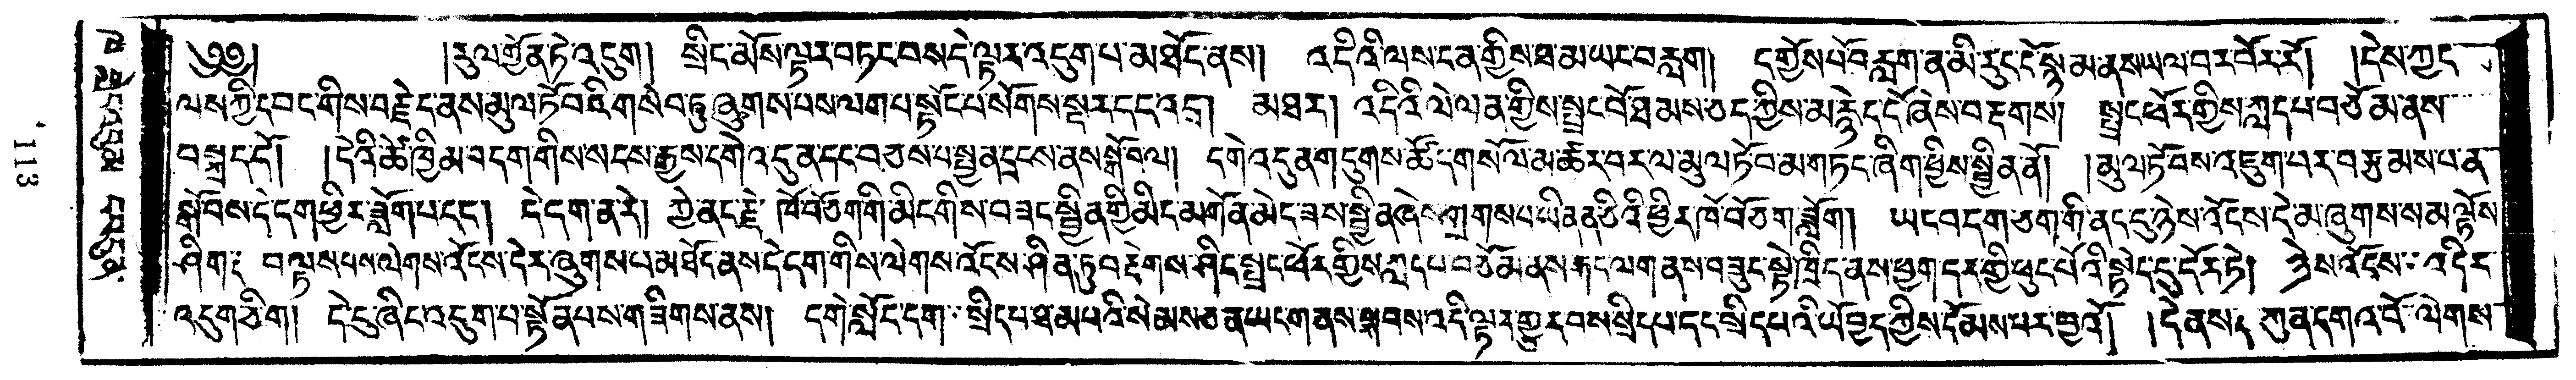༄༅། །རུལ་གྱོན་ཏེ་འདུག། སྲིང་མོས་ལྟར་བཏང་བས་དེ་ལྟར་འདུག་པ་མཐོང་ནས། འདིའི་ལས་ངན་གྱིས་ཐ་མ་ཡང་བརླག། དགྱོས་པོ་བརླག་ན་མི་རུང་ངོ་སྙམ་ནས་ཡལ་བར་བོར་རོ། །དེས་ཀྱང་
ལས་ཀྱི་དབང་གིས་བརྗེད་ནས་མུལ་ཏོ་བའི་གསེབ་ཏུ་ཞུགས་པས་ལག་པ་སྟོང་པ་སོགས་སྔར་དང་འདྲ། མཐར། འདིའི་ལེ་ལན་གྱིས་སྤྲང་བོ་ཐམས་ཅད་ཀྱིས་མ་རྙེད་དོ་ཞེས་བརྡགས། སྤྲང་ཕོར་གྱིས་ཀླད་པ་བཅོམ་ནས་
བསྐྲད་དོ། །དེའི་ཚེ་ཁྱིམ་བདག་གིས་སངས་རྒྱས་དགེ་འདུན་དང་བཅས་པ་སྤྱན་དྲངས་ནས་སྒོ་བ་ལ། དགེ་འདུན་གདུགས་ཚོད་གསོལ་མ་ཚར་བར་ལ་མུལ་ཏོ་བ་མ་གཏང་ཞིག་ཕྱིས་སྦྱིན་ནོ། །མུལ་ཏོ་བས་འཇུག་པར་བརྩམས་པ་ན་
སྒོ་བས་དེ་དག་ཕྱིར་ཟློག་པ་དང་། དེ་དག་ན་རེ། ཀྱེ་ནང་རྗེ་ཁོ་བོ་ཅག་གི་མིང་གིས་བཟང་སྦྱིན་གྱི་མིང་མགོན་མེད་ཟས་སྦྱིན་ཞེས་གྲགས་པ་ཡིན་ན་ཅིའི་ཕྱིར་ཁོ་བོ་ཅག་ཟློག། ཡང་བདག་ཅག་གི་ནང་དུ་ཉེས་འོངས་དེ་མ་ཞུགས་སམ་ལྟོས་
ཤིག༑ བལྟས་པས་ལེགས་འོངས་དེར་ཞུགས་པ་མཐོང་ནས་དེ་དག་གིས་ལེགས་འོངས་ཤིན་ཏུ་བརྡེགས་ཤིང་སྤྲང་ཕོར་གྱིས་ཀླད་པ་བཅོམ་ནས་རྐང་ལག་ནས་བཟུང་སྟེ་ཁྲིད་ནས་ཕྱག་དར་གྱི་ཕུང་པོའི་སྟེང་དུ་དོར་ཏེ། ཉེས་འོངས༑ འདིར་
འདུག་ཅིག། དེ་དུ་ཞིང་འདུག་པ་སྟོན་པས་གཟིགས་ནས། དགེ་སློང་དགཿ སྲིད་པ་ཐ་མ་པའི་སེམས་ཅན་ཡང་གནས་སྐབས་འདི་ལྟར་གྱུར་པས་སྲིད་པ་དང་སྲིད་པའི་ཡོ་བྱད་ཀྱིས་ངོམས་པར་བྱའོ། །དེ་ནས༑ ཀུན་དགའ་བོ་ལེགས་